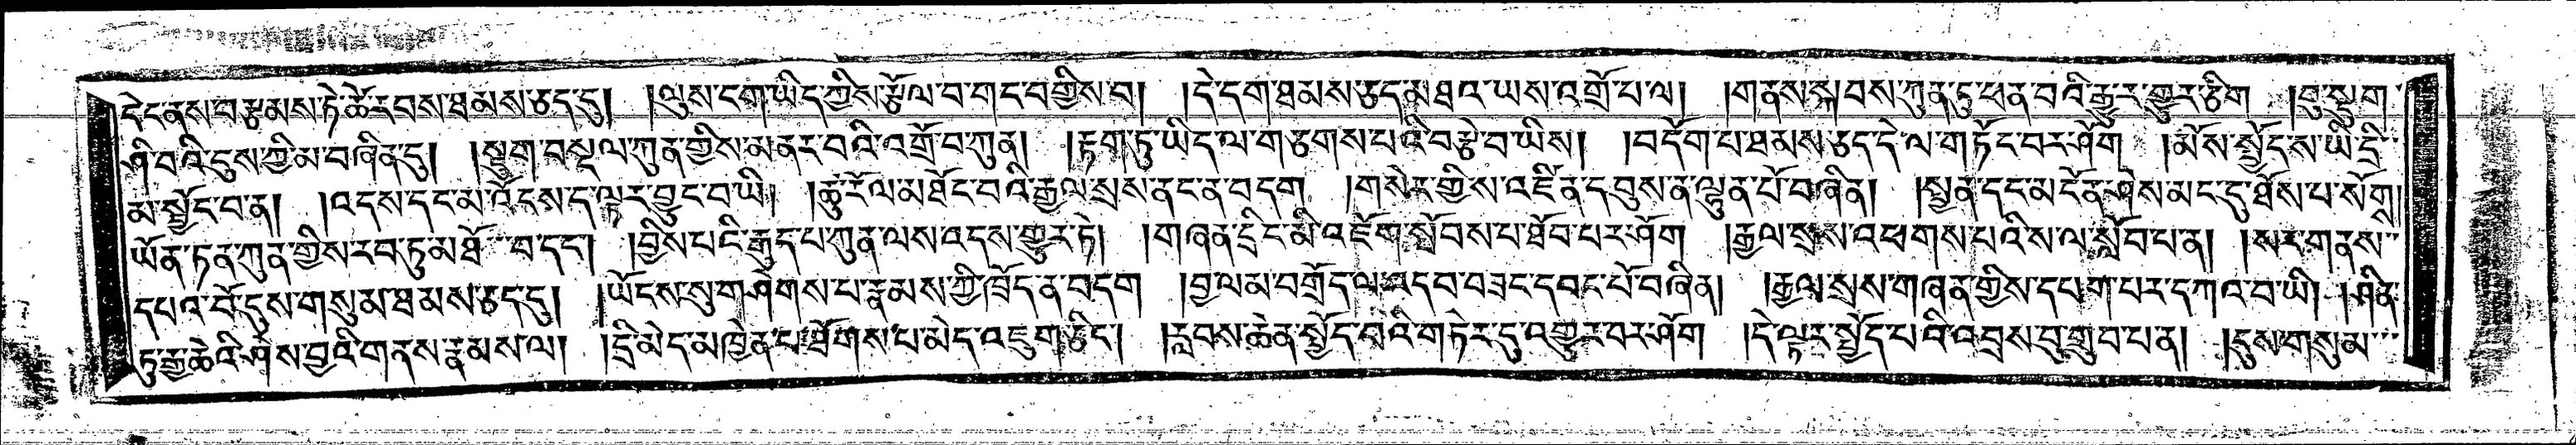དེང་ནས་བརྩམས་ཏེ་ཚེ་རབས་ཐམས་ཅད་དུ། །ལུས་ངག་ཡིད་ཀྱིས་རྩོལ་བ་གང་བགྱིས་བ། །དེ་དག་ཐམས་ཅད་མཐའ་ཡས་འགྲོ་པ་ལ། །གནས་སྐབས་ཀུན་ཏུ་ཕན་པའི་རྒྱུར་གྱུར་ཅིག །བུ་སྡུག་
ཤི་བའི་དུས་ཀྱི་མ་བཞིན་དུ། །སྡུག་བསྔལ་ཀུན་གྱིས་མནར་བའི་འགྲོ་བ་ཀུན། །རྟག་ཏུ་ཡིད་ལ་གཅགས་པའི་བརྩེ་བ་ཡིས། །བདོག་པ་ཐམས་ཅད་དེ་ལ་གཏོང་བར་ཤོག །མོས་སྤྱོད་ས་ཡི་དྲི་
མ་སྦྱོང་བ་ན། །འདས་དང་མ་འོངས་ད་ལྟར་བྱུང་བ་ཡི། །ཚུ་རོལ་མཐོང་བའི་རྒྱལ་སྲས་ནང་ན་བདག །གསེར་གྱི་ས་འཛིན་དབུས་ན་ལྷུན་པོ་བཞིན། །སྤྱན་དང་མངོན་ཤེས་མང་དུ་ཐོས་པ་སོགས།
ཡོན་ཏན་ཀུན་གྱིས་རབ་ཏུ་མཐོ་བ་དང་། །བྱིས་པའི་རྒུད་པ་ཀུན་ལས་འདས་གྱུར་ཏེ། །གཞན་དྲིང་མི་འཇོག་སྤོབས་པ་ཐོབ་པར་ཤོག །རྒྱལ་སྲས་འཕགས་པའི་ས་ལ་སློབ་པ་ན། །སར་གནས་
དཔའ་བོ་དུས་གསུམ་ཐམས་ཅད་དུ། །ཡོངས་སུ་གཤེགས་པ་རྣམས་ཀྱི་ཁྲོད་ན་བདག །བྱ་ལམ་བགྲོད་ལ་འདབ་བཟང་དབང་པོ་བཞིན། །རྒྱལ་སྲས་གཞན་གྱིས་དཔག་པར་དཀའ་བ་ཡི། །ཤིན་
ཏུ་རྒྱ་ཆེའི་ཤེས་བྱའི་གནས་རྣམས་ལ། །དྲི་མེད་མཁྱེན་པ་ཐོགས་པ་མེད་འཇུག་ཅིང་། །རླབས་ཆེན་སྤྱོད་པའི་གཏེར་དུ་འགྱུར་བར་ཤོག །དེ་ལྟར་སྤྱོད་པའི་འབྲས་བུ་གྲུབ་པ་ན། །དུས་གསུམ་